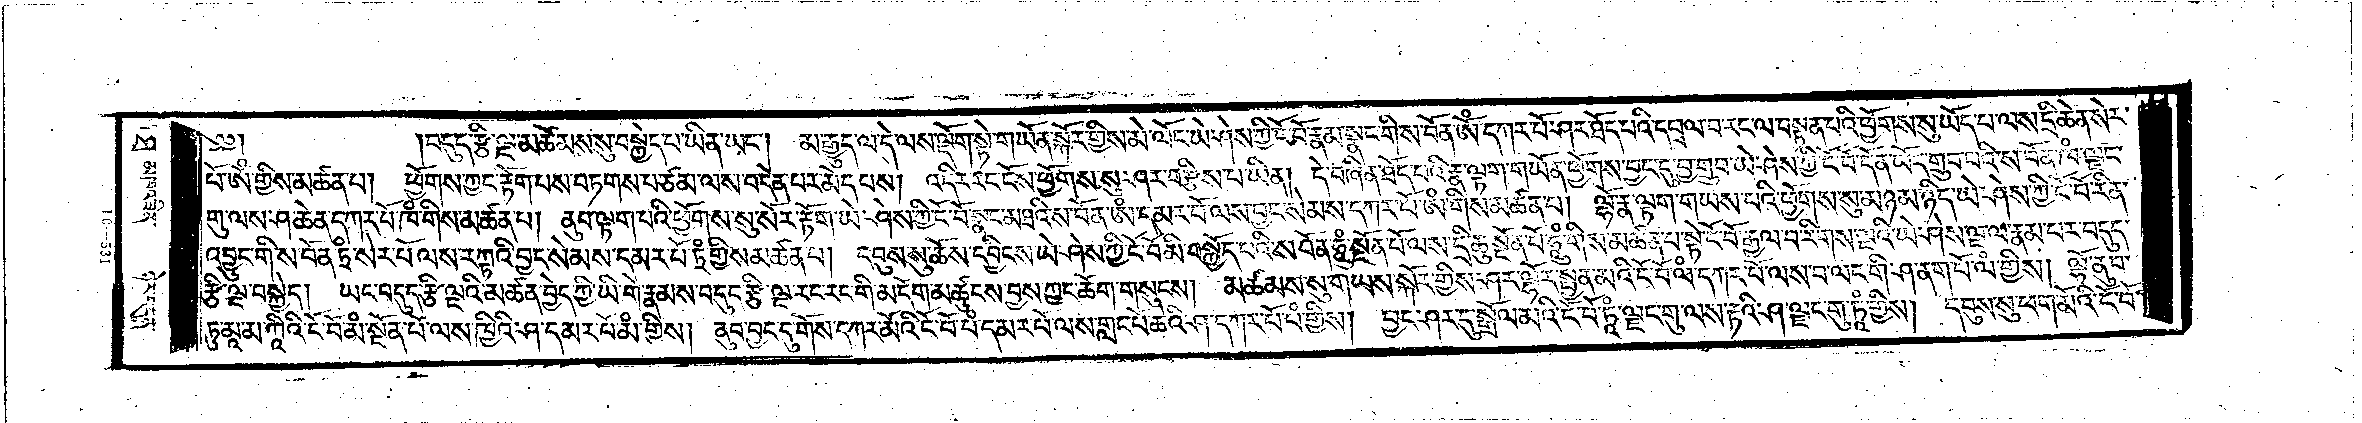༄༅། །བདུད་རྩི་ལྔ་མཚམས་སུ་བསྐྱེད་པ་ཡིན་ཡང་། མ་རྒྱུད་ལ་དེ་ལས་ལྡོག་སྟེ་གཡོན་སྐོར་གྱིས་མེ་ལོང་ཡེ་ཤེས་ཀྱི་ངོ་བོ་རྣམ་སྣང་གིས་བོན་ཨོཾ་དཀར་པོ་ཤར་ཐོད་པའི་དབྲལ་བ་རང་ལ་བསྟན་པའི་ཕྱོགས་སུ་ཡོད་པ་ལས་དྲི་ཆེན་སེར་
པོ་ཨོཾ་གྱིས་མཚན་པ། ཕྱོགས་ཀྱང་རྟོག་པས་བཏགས་པ་ཙམ་ལས་བདེན་པར་མེད་པས། འདིར་རང་ངོས་ཕྱོགས་སུ་ཤར་བརྩིས་པ་ཡིན། དེ་བཞིན་ཐོད་བའི་རྣ་ལྟག་གཡོན་ཕྱོགས་བྱང་དུ་བྱ་གྲུབ་ཡེ་ཤེས་ཀྱི་ངོ་བོ་དོན་ཡོང་གྲུབ་པའི་ས་བོན་ཁཾ་ལྗང་
གུ་ལས་ཤ་ཆེན་དཀར་པོ་ཁཾ་གིས་མཚན་པ། ནུབ་ལྟག་པའི་ཕྱོགས་སུ་སོར་རྟོག་ཡེ་ཤེས་ཀྱི་ངོ་བོ་སྣང་མཐའི་ས་པོན་ཨཾ་དམར་པོ་ལས་བྱང་སེམས་དཀར་པོ་ཨཾ་གིས་མཚན་བ། ལྷོ་རྣ་ལྟག་གཡས་པའི་ཕྱོགས་སུ་མཉམ་ཉིད་ཡེ་ཤེས་ཀྱི་ངོ་བོ་རིན་
འབྱུང་གི་ས་བོན་ཏརཾ་སེར་པོ་ལས་རཀྟའི་བྱང་སེམས་དམར་པོ་ཏརཾ་གྱིས་མཚན་པ། དབུས་སུ་ཆོས་དབྱིངས་ཡེ་ཤེས་ཀྱི་ངོ་བོ་མི་བསྐྱོད་བའི་ས་བོན་ཧཱུཾ་སྔོན་པོ་ལས་དྲི་ཆུ་སྔོན་པོ་ཧཱུཾ་གིས་མཚན་པ་སྟེ་ངོ་བོ་རྒྱལ་བ་རིགས་ལྔའི་ཡེ་ཤེས་ལྔ་ལ་རྣམ་པར་བདུད་
རྩི་ལྔ་བསྐྱེད། ཡང་བདུད་རྩི་ལྔའི་མཚན་བྱེད་ཀྱི་ཡི་གེ་རྣམས་བདུད་རྩི་ལྔ་རང་རང་གི་མདོག་མཚུངས་བྱས་ཀྱང་ཆོག་གསུངས། མཚམས་སུ་གཡས་སྐོར་གྱིས་ཤར་ལྷོར་སྤྱན་མའི་ངོ་བོ་ལཾ་དཀར་པོ་ལས་བ་ལང་གི་ཤ་ནག་པོ་ལཾ་གྱིས། ལྷོ་ནུབ་
ཏུ་མཱ་མ་ཀཱིའི་ངོ་བོ་མཾ་སྔོན་པོ་ལས་ཁྱིའི་ཤ་དམར་པོ་མཾ་གྱིས། ནུབ་བྱང་དུ་གོས་དཀར་མོའི་ངོ་བོ་པཾ་དམར་པོ་ལས་གླང་པོ་ཆེའི་ཤ་དཀར་པོ་པཾ་གྱིས། བྱང་ཤར་དུ་སྒྲོལ་མའི་ངོ་བོ་ཏའཾ་ལྗང་གུ་ལས་རྟའི་ཤ་ལྗང་གུ་ཏའཾ་གྱིས། དབུས་སུ་ཕག་མོའི་ངོ་བོ་